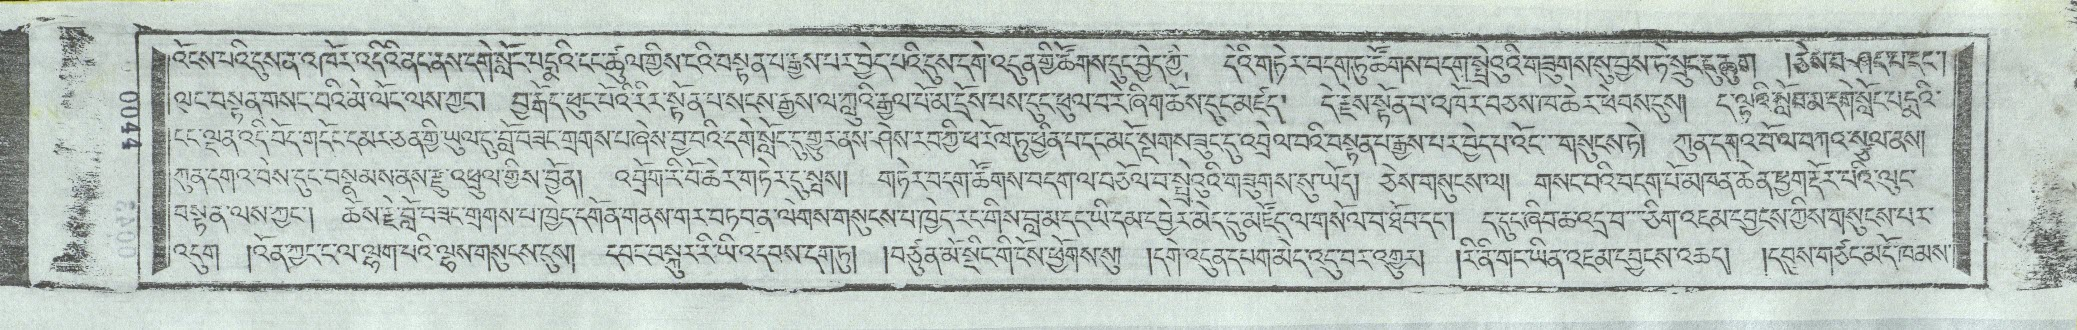འོངས་པའི་དུས་ན་འཁོར་འདིའི་ནང་ནས་དགེ་སློང་པདམའི་ངང་ཚུལ་གྱིས་ངའི་བསྟན་པ་རྒྱས་པར་བྱེད་པའི་དུས་དགེ་འདུན་གྱི་ཚོགས་དུང་བྱེད་ཀྱི། དེའི་གཏེར་བདག་ཏུ་ཚོགས་བདག་སྤྲེའུའི་གཟུགས་སུ་བྱས་ཏེ་སྲུང་དུ་ཆུག །ཅེས་བཤད་པ་དང་།
ལང་བསྟན་གསང་བའི་མེ་ལོང་ལས་ཀྱང་། བྱ་རྒོད་ཕུང་པོའི་རིར་སྟོན་པ་སངས་རྒྱས་ལ་ཀླུའི་རྒྱལ་པོ་མ་དྲོས་པས་དུང་ཕུལ་བ་རེ་ཞིག་ཆོས་དུང་མཛད། དེ་རྗེས་སྟོན་པ་འཁོར་བཅས་ཁ་ཆེར་ཕེབས་དུས། ད་ལྟའི་སློབ་མ་དགེ་སློང་པདམའི་
ངང་ལྡན་འདི་བོད་གདོང་དམར་ཅན་གྱི་ཡུལ་དུ་བློ་བཟང་གྲགས་པ་ཞེས་བྱ་བའི་དགེ་སློང་དུ་གྱུར་ནས་ཤེས་རབ་ཀྱི་ཕ་རོལ་ཏུ་ཕྱིན་པ་དང་མདོ་སྔགས་ཟུང་དུ་འབྲེལ་བའི་བསྟན་པ་རྒྱས་པར་བྱེད་པ་འོང་གསུངས་ཏེ། ཀུན་དགའ་བོ་ལ་བཀའ་སྩལ་ནས།
ཀུན་དགའ་བེས་དུང་བསྣམས་ནས་རྫུ་འཕྲུལ་གྱིས་བྱོན། འབྲོག་རི་བོ་ཆེར་གཏེར་དུ་སྦས། གཏེར་བདག་ཚོགས་བདག་ལ་བཅོལ་བ་སྤྲེའུའི་གཟུགས་སུ་ཡོད། ཅེས་གསུངས་ལ། གསང་བའི་བདག་པོ་མཁན་ཆེན་ཕྱག་རྡོར་པའི་ལུང་
བསྟན་ལས་ཀྱང་། ཆོས་རྗེ་བློ་བཟང་གྲགས་པ་ཁྱེད་དགོན་གནས་གར་བཏབ་ན་ལེགས་གསུངས་པ་ཁྱེད་རང་གི་བླ་མ་དང་ཡི་དམ་དབྱེར་མེད་དུ་མཛོད་ལ་གསོལ་བ་ཐོབ་དང་། ད་དུང་ཞིབ་ཆ་འདྲ་བ་ཅིག་འཇམ་དབྱངས་ཀྱིས་གསུངས་པར་
འདུག །འོན་ཀྱང་ང་ལ་ལྷག་པའི་ལྷས་གསུངས་དུས། དབང་བསྐུར་རི་ཡི་འདབས་དག་ཏུ། །བཙུན་མོ་སྡིང་གི་ངོས་ཕྱོགས་སུ། །དགེ་འདུན་དཔག་མེད་འདུ་བར་འགྱུར། །རི་ནི་གང་ཡིན་འཇམ་དབྱངས་འཆད། །དབས་གཙང་མདོ་ཁམས་